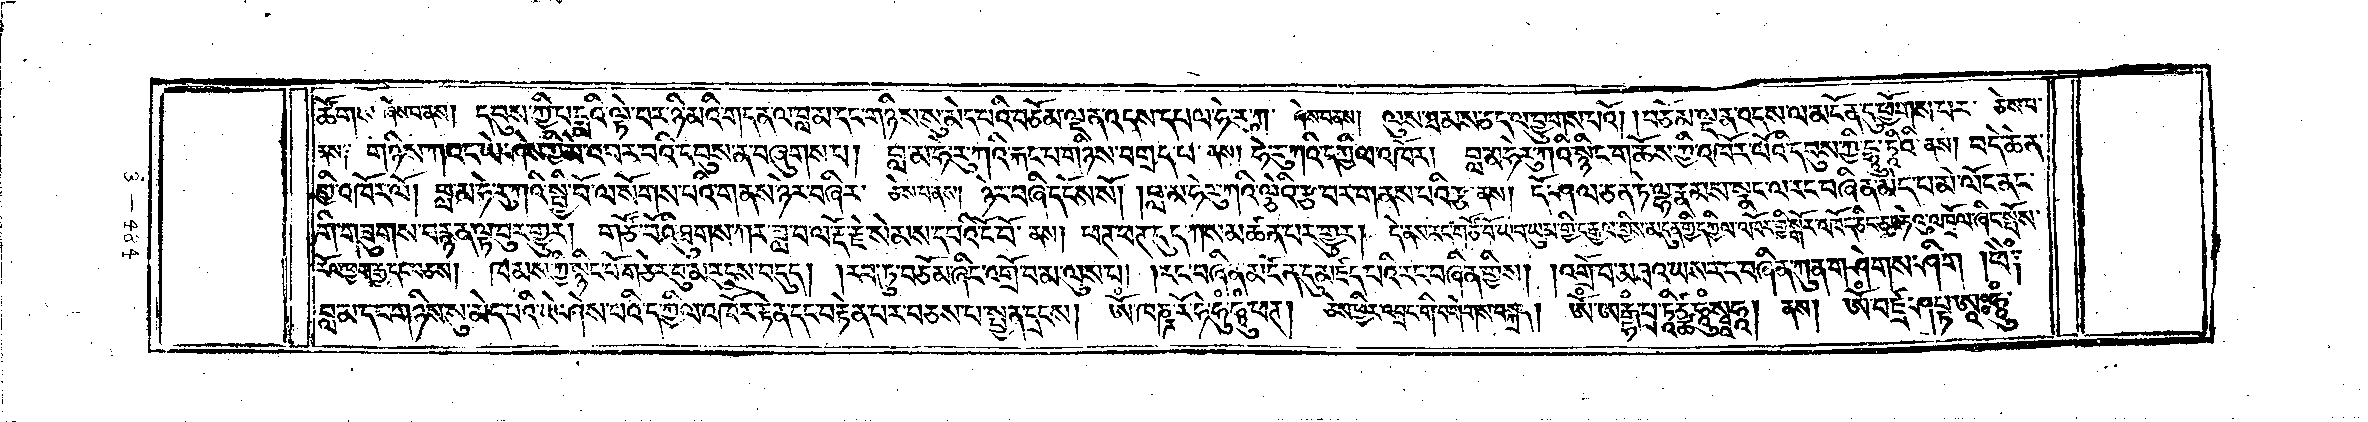ཚོགས་ཞེས་པ་ནས།  དབུས་ཀྱི་པདམའི་ལྟེ་བར་ཉི་མའི་གདན་ལ་བླ་མ་དང་གཉིས་སུ་མེད་པའི་བཅོམ་ལྡན་འདས་དཔལ་ཧེ་རུ་ཀ། ཞེས་བ་ནས།  ལུས་ཐམས་ཅད་ལ་བྱུགས་པའོ། །བཅོམ་ལྡན་འདས་ལ་མངོན་དུ་ཕྱོགས་པར་ཅེས་པ་
ནས༑ གཉིས་ཀའང་ཡེ་ཤེས་ཀྱི་མེ་འབར་བའི་དབུས་ན་བཞུགས་པ། བླ་མ་ཧེ་རུ་ཀའི་རྐང་པ་གཉིས་བགྲད་པ་ནས།  ཧེ་རུ་ཀའི་དཀྱིལ་འཁོར། བླ་མ་ཧེ་རུ་ཀའི་སྙིང་ག་ཆོས་ཀྱི་འཁོར་ལོའི་དབུས་ཀྱི་ཧཱུཾ་ཏཱིཨཱི་ནས།  བདེ་ཆེན་
གྱི་འཁོར་ལོ། བླ་མ་ཧེ་རུ་ཀའི་སྤྱི་བོ་ལ་སོགས་པའི་གནས་ཉེར་བཞིར་ཅེས་པ་ནས།  ཉེར་བཞི་དངོས་སོ། །བླ་མ་ཧེ་རུ་ཀའི་ལྕེའི་རྩ་བར་གནས་པའི་རྩ་ནས། དོ་ཤལ་ཅན་ཏེ་ལྷ་རྣམས་སྣང་ལ་རང་བཞིན་མེད་པ་མེ་ལོང་ནང་
གི་གཟུགས་བརྙན་ལྟ་བུར་གྱུར། གཙོ་བོའི་ཐུགས་ཀར་ཟླ་བ་ལ་རྡོ་རྗེ་སེམས་དཔའི་ངོ་བོ་ནས། ཕཊ་ཕཊ་དུད་ཀས་མཚན་པར་གྱུར། དེ་ནས་རང་གཙོ་བོ་ཡབ་ཡུམ་གྱི་ང་རྒྱལ་གྱིས་མདུན་གྱི་དཀྱིལ་འཁོར་གྱི་སྒོར་འཁོད་ཅིང་ཅན་ཡ་ཏེ་འུ་འཁྲོལ་ཞིང་སྤོས་
རོལ་ཕྱག་རྒྱ་དང་བཅས། ཁམས་ཀྱི་སྙིང་པོ་གཅེར་བུ་མ་རུངས་བདུད། །རབ་ཏུ་བཅོམ་ཞིང་འགྲོ་བ་མ་ལུས་པ། རང་བཞིན་མངོན་དུ་མཛད་པའི་རང་བཞིན་གྱིས། །འགྲོ་བ་མཐའ་ཡས་རང་བཞིན་ཀུན་གཤེགས་ཤིག །ཕཻཾ༑
བླ་མ་དང་གཉིས་སུ་མེད་པའི་ཡེ་ཤེས་པའི་དཀྱིལ་འཁོར་རྟེན་དང་བརྟེན་པར་བཅས་པ་སྤྱན་དྲངས། ཨོཾ་ཁཎྜ་རོ་ཧེ་ཧཱུཾ་ཧཱུཾ་ཕཊ། ཅེས་ཕྱིར་འབྲང་གི་བགེགས་བསྐྲད།  ཨོཾ་ཨརྒྷཾ་པྲ་ཏཱི་ཙྪ་ཧཱུཾ་སྭཱ་ཧཱ། ནས། ཨོཾ་བཛྲ་ཤཔྚ་ཨཱཿ ཧཱུཾ་